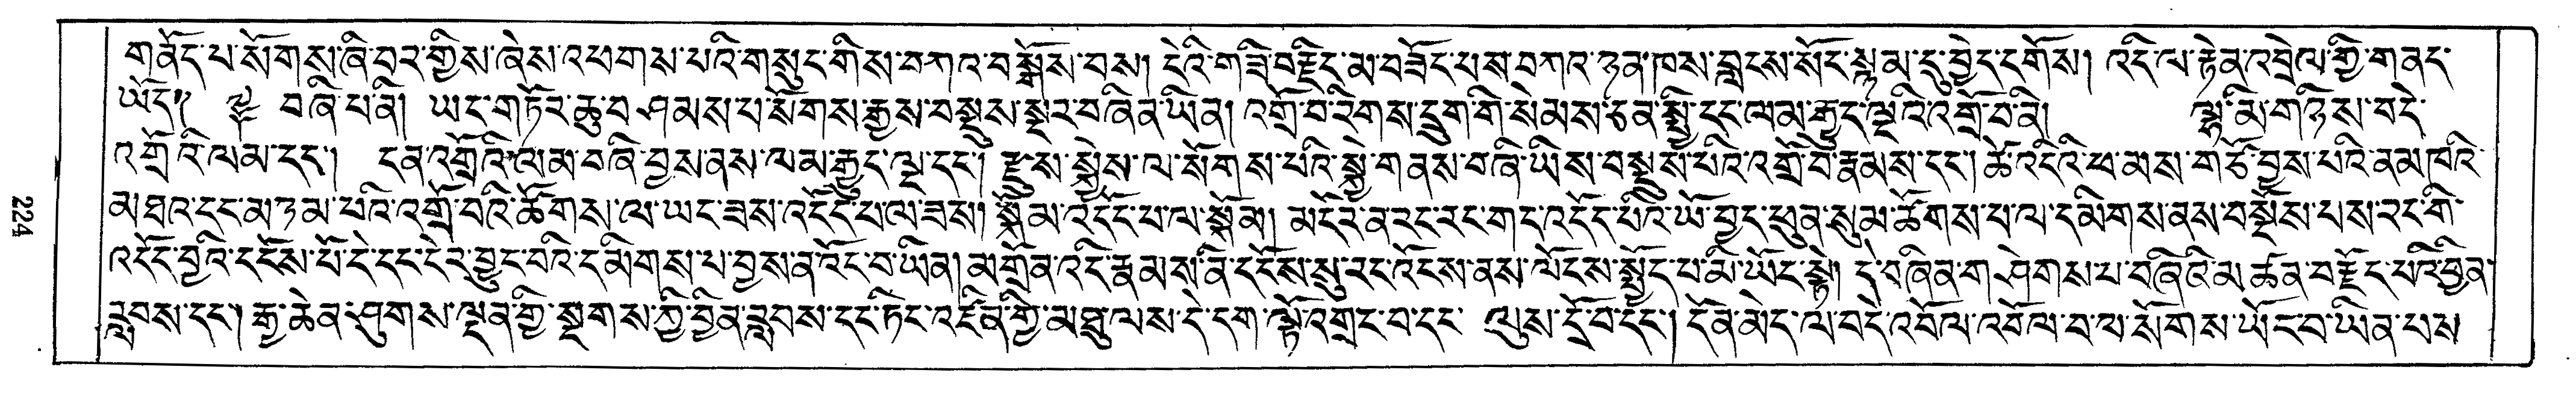གནོད་པ་སོགས་ཞི་བར་གྱིས་ཞེས་འཕགས་པའི་གསུང་གིས་བཀའ་བསྒོས་པས། དེའི་གཟི་བརྗིད་མ་བཟོད་པས་བཀའ་ཉན་ཁས་བླངས་སོང་སྙམ་དུ་བྱེད་དགོས། འདི་ལ་རྟེན་འབྲེལ་གྱི་གནད་
ཡོད༑ ༈ བཞི་པ་ནི། ཡང་གཏོར་ཆུ་བཤམས་པ་སོགས་རྒྱས་བསྡུས་སྔར་བཞིན་ཡིན། འགྲོ་བ་རིགས་དྲུག་གི་སེམས་ཅན་སྤྱི་དང་ལམ་རྒྱུད་ལྔའི་འགྲོ་བ་ནི། ལྷ་མི་གཉིས་བདེ་
འགྲོའི་ལམ་དང་། ངན་འགྲོའི་ལམ་བཞི་བྱས་ནས་ལམ་རྒྱུད་ལྔ་དང་། རྫུས་སྐྱེས་ལ་སོགས་པའི་སྐྱེ་གནས་བཞི་ཡིས་བསྡུས་པའི་འགྲོ་བ་རྣམས་དང་། ཚེ་འདིའི་ཕ་མས་གཙོ་བྱས་པའི་ནམཁའི་
མཐའ་དང་མཉམ་པའི་འགྲོ་བའི་ཚོགས་ལ་ཡང་ཟས་འདོད་པ་ལ་ཟས། སྐོམ་འདོད་པ་ལ་སྐོམ། མདོར་ན་རང་རང་གང་འདོད་པའི་ཡོ་བྱད་ཕུན་སུམ་ཚོགས་པ་ལ་དམིགས་ནས་བསྡོས་པས་རང་གི་
འདོད་བྱའི་དངོས་པོ་དེ་དང་དེར་བྱུང་བའི་དམིགས་པ་བྱས་ན་འོང་བ་ཡིན། མགྲོན་འདི་རྣམས་ནི་དངོས་སུ་རང་འོངས་ནས་ལོངས་སྤྱོད་པ་མི་ཡོང་སྟེ། དེ་བཞིན་གཤེགས་པ་བཞིའི་མཚན་བརྗོད་པའི་བྱིན་
རླབས་དང་། རྒྱ་ཆེན་ཤུགས་ལྡན་གྱི་སྔགས་ཀྱི་བྱིན་རླབས་དང་ཏིང་ངེ་འཛིན་གྱི་མཐུ་ལས་དེ་དག་ལྟོ་འགྲང་བ་དང་། ལུས་དྲོ་བ་དང་། དོན་མེད་ལ་བདེ་འབོལ་འབོལ་བ་ལ་སོགས་ཡོང་བ་ཡིན་པས།